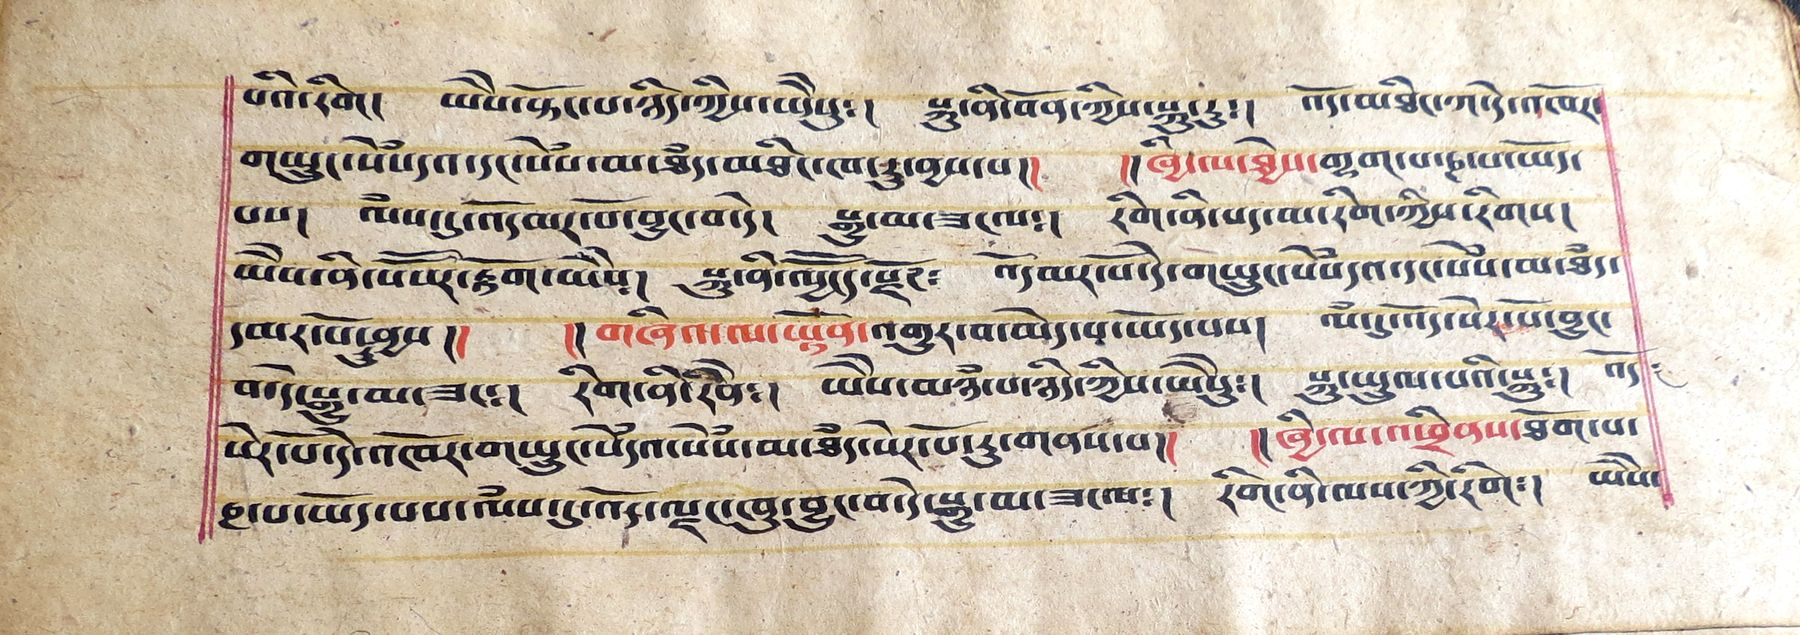པའི་རིགས། ཡེ་ཤེས་སྟོང་པ་ཉིད་ཀྱི་ཡེ་ཤེས་སུ་ཤར། སྐུ་ནི་བོན་གྱི་སྐུ་རུ་བྱུང་། འོད་མཐིང་ཁ་དེ་འཁོར་
གཡུང་དྲུང་སེམས་དཔའ་སེམས་མ་ཐམས་ཅད་མཐིང་ཁ་རུ་གནས། གཞི་ལ་ཐུགས་འགག་པ་མེད་པ་ཡོད་
པས། ལམ་དུ་འོད་དམར་པོ་བྱུང་བ་དེ། སྒྱུ་མ་ཟང་ཐལ་དུ་ཤེས་པས། རིགས་ནི་པད་མ་རིགས་ཀྱི་རིགས། 
ཡེ་ཤེས་སོ་སོར་རྟོགས་པའི་ཡེ་ཤེས། སྐུ་ལོངས་སྤྱོད་རྫོགས་པའི་སྐུ། འོད་དམར་པོ་དེ་གཡུང་དྲུང་སེམས་དཔའ་དང་སེམས་མ་ཐམས་ཅད་
དམར་པོ་རུ་གནས། གཞི་ལ་ཡོན་ཏན་འགྱུར་བ་མེད་པ་ཡོད་པས། ལམ་དུ་འོད་སེར་པོ་བྱུང་བ་
དེ་སྒྱུ་མ་ཟང་། ཐལ་དུ་ཤེས་པས། རིགས་ནི་རིན་ཆེན་རིགས་ཀྱི་རིགས། ཡེ་ཤེས་མཉམ་པ་ཉིད་ཀྱི་ཡེ་ཤེས་སུ་ཤར། སྐུ་སྤྲུལ་པའི་སྐུ། འོད་
སེར་པོ་དེ་འཁོར་གཡུང་དྲུང་སེམས་དཔའ་དང་སེམས་མ་ཐམས་ཅད་སེར་པོ་རུ་གནས། གཞི་ལ་འཕྲིན་ལས་ཐོགས་པ་
མེད་པ་ཡོད་པས། ལམ་དུ་འོད་ལྗང་ཁུ་བྱུང་བ་དེ། སྒྱུ་མ་ཟང་ཐལ་དུ་ཤེས་པས། རིགས་ནི་ལས་ཀྱི་རིགས། ཡེ་ཤེས་